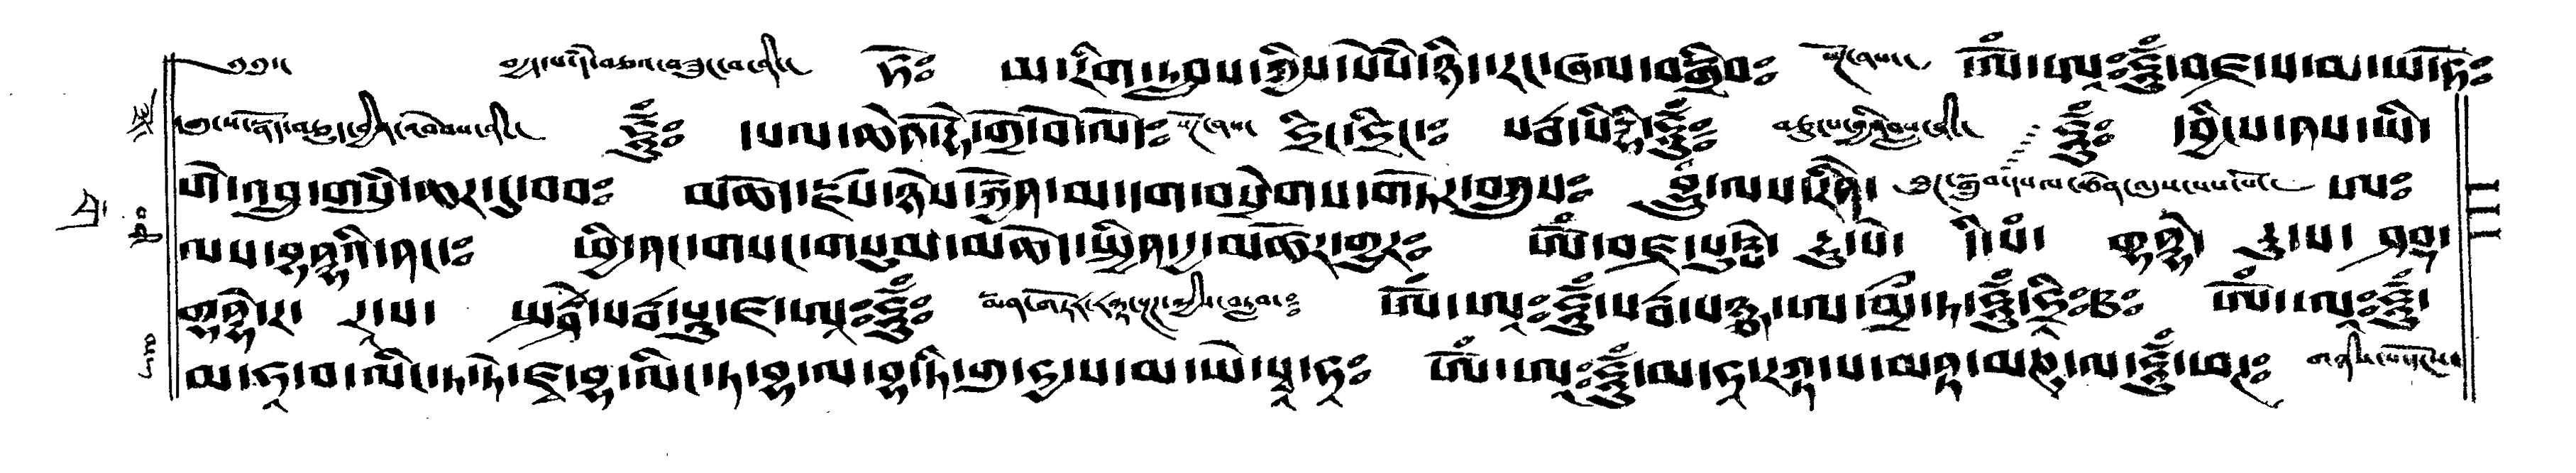བརྒྱད་པ་དམ་བཅའ་བཟུང་བ་ནི། ཧོ༔ མ་རིག་རླབས་ཀྱིས་སེམས་ཉིད་རང་ཞལ་སྒྲིབ༔ སོགས་ནས། ཨོཾ་ཨཱཿཧཱུྃ་བཛྲ་ས་མ་ཡ་ཧོ༔ 
དགུ་པ་སྣོད་བཅུད་བྱིན་འབེབས་ནི། ཧཱུྃ༔ དཔལ་ཆེན་རྡོ་རྗེ་གྲོ་བོ་ལོད༔ སོགས་ནས། ཧྲིང་ཧྲིངཿསརྦ་སིདྡྷི་ཧཱུྃ༔ བཅུ་པ་བྱིན་རླབས་ནི། ཧཱུྃ༔ དབྱིངས་ནས་ཡི་
གེ་འབྲུ་གསུམ་ཆར་དུ་བབས༔ མཆོད་རྫས་ཉེས་སྐྱོན་མ་དག་བསྲེགས་གཏོར་བཀྲུས༔ བྷྲུཾ་ལས་རིན་ཆེན་ཨ་
ལས་བྷནྡྷའི་ནང༔ ཕྱི་ནང་གསང་གསུམ་མཆོད་སྤྱིན་རྒྱ་མཚོར་གྱུར༔ ཨོཾ་བཛྲ་པུ་ཥྤེ་དྷུ་བ་པེ་དི་པྃ་གྷནྡྷེ་རུ་པ་ཤཔྡ་
གྷནྡྷེ་རཱ་ས་སྤརྴེ། སྤརྴེ་སརྦ་པཱུ་ཛ་ཨཱཿཧཱུྃ༔ སྨན་གཏོར་རཀྟ་སྔགས་ཀྱིས་བརླབ། ཨོཾ་ཨཱཿཧཱུྃ་སརྦ་པཉྩ་ཨ་མྲྀ་ཏ་ཧཱུྃ་ཧྲཱིཿཋ༔ ཨོཾ་ཨཱཿཧཱུྃ་
མ་ཧཱ་བ་ལིང་ཏ་ཏེ་ཛྭ་བྷ་ལིང་ཏ་བྷ་ལ་བྷ་ཏེ་གུ་ཧྱ་ས་མ་ཡེ་སྭ་ཧཱ༔ ཨོཾ་ཨཱཿཧཱུྃ་མ་ཧཱ་རཀྟ་ས་མནྟ་མཎྜ་ལ་ཧཱུྃ་ཕཊ༔ གཉིསཔ་དངོས་གཞི་